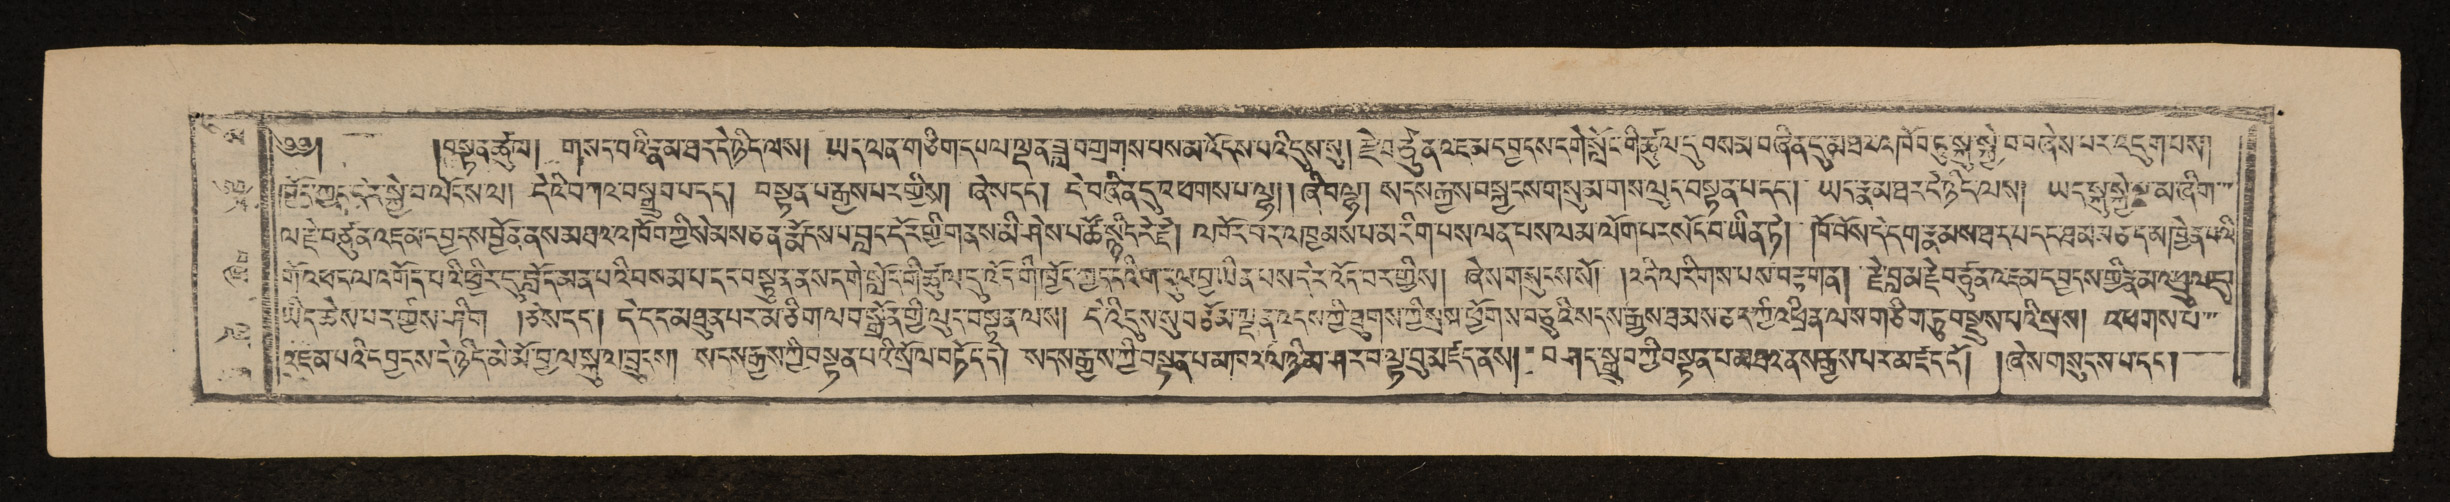༄༅། །བསྟན་ཚུལ། གསང་བའི་རྣམ་ཐར་དེ་ཉིད་ལས། ཡང་ལན་གཅིག་དཔལ་ལྡན་ཟླ་བ་གྲགས་པས་མ་འོངས་པའི་དུས་སུ། རྗེ་བཙུན་འཇམ་དབྱངས་དགེ་སློང་གི་ཚུལ་དུ་བསམ་བཞིན་དུ་མཐའ་འཁོབ་ཏུ་སྐུ་སྐྱེ་བ་བཞེས་པར་འདུག་པས།
ཁྱོད་ཀྱང་དེར་སྐྱེ་བ་ལོངས་ལ། དེའི་བཀའ་བ་སྒྲུབ་པ་དང་། བསྟན་པ་རྒྱས་པར་གྱིས། ཞེས་དང་། དེ་བཞིན་དུ་འཕགས་པ་ལྷ། ཞི་བ་ལྷ། སངས་རྒྱས་བསྐྱངས་གསུམ་གས་ལུང་བསྟན་པ་དང་། ཡང་རྣམ་ཐར་དེ་ཉིད་ལས། ཡང་སྐུ་སྐྱེ་སྔ་མ་ཞིག་
ལ་རྗེ་བཙུན་འཇམ་དབྱངས་བྱོན་ནས་མཐའ་འཁོབ་ཀྱི་སེམས་ཅན་རྨོངས་པ་བླང་དོར་གྱི་གནས་མི་ཤེས་པ་ཚོ་སྙིང་རེ་རྗེ། འཁོར་བར་འཁྱམས་པ་མ་རིག་པས་ལན་པ་ས་ལམ་ལོག་པར་སོང་བ་ཡིན་ཏེ། ཁོ་བོས་དེ་དག་རྣམས་ཐར་བ་དང་ཐམས་ཅད་མཁྱེན་པའི་
གོ་འཕང་ལ་འགོད་པའི་ཕྱིར་དུ་བློ་དམན་པའི་བསམ་པ་དང་བསྟུན་ནས་དགེ་སློང་གི་ཚུལ་དུ་འོང་གི་ཁྱོད་ཀྱང་བའི་གདུལ་བྱ་ཡིན་པས་དེར་འོང་བར་གྱིས། ཞེས་གསུངས་སོ། །འདི་ལ་རིགས་པས་བརྟག་ན། རྗེ་བླ་མ་རྗེ་བཙུན་འཇམ་དབྱངས་ཀྱི་རྣམ་འཕྲུལ་དུ་
ཡིད་ཆེས་པར་གྱིས་ཤིག །ཅེས་དང་། དེ་དང་མཐུན་པར་མ་ཅིག་ལ་བ་སྒྲོན་གྱི་ལུང་བསྟན་ལས། དེའི་དུས་སུ་བཅོམ་ལྡན་འདས་ཀྱི་ཐུགས་ཀྱི་སྲས་ཕྱོགས་བཅུའི་སངས་རྒྱས་ཐམས་ཅད་ཀྱི་འཕྲིན་ལས་གཅིག་ཏུ་བསྡུས་པའི་སྲས། འཕགས་པ་
འཇམ་པའི་དབྱངས་དེ་ཉིད་མེ་མོ་བྱ་ལ་སྐུ་འཁྲུངས། སངས་རྒྱས་ཀྱི་བསྟན་པའི་སྲོལ་བཏོད་དེ། སངས་རྒྱས་ཀྱི་བསྟན་པ་མཁའ་ལ་ཉི་མ་ཤར་བ་ལྟ་བུ་མཛད་ནས། བཤད་སྒྲུབ་ཀྱི་བསྟན་པ་མཐའ་ནས་རྒྱས་པར་མཛད་དོ། །ཞེས་གསུངས་པ་དང་།